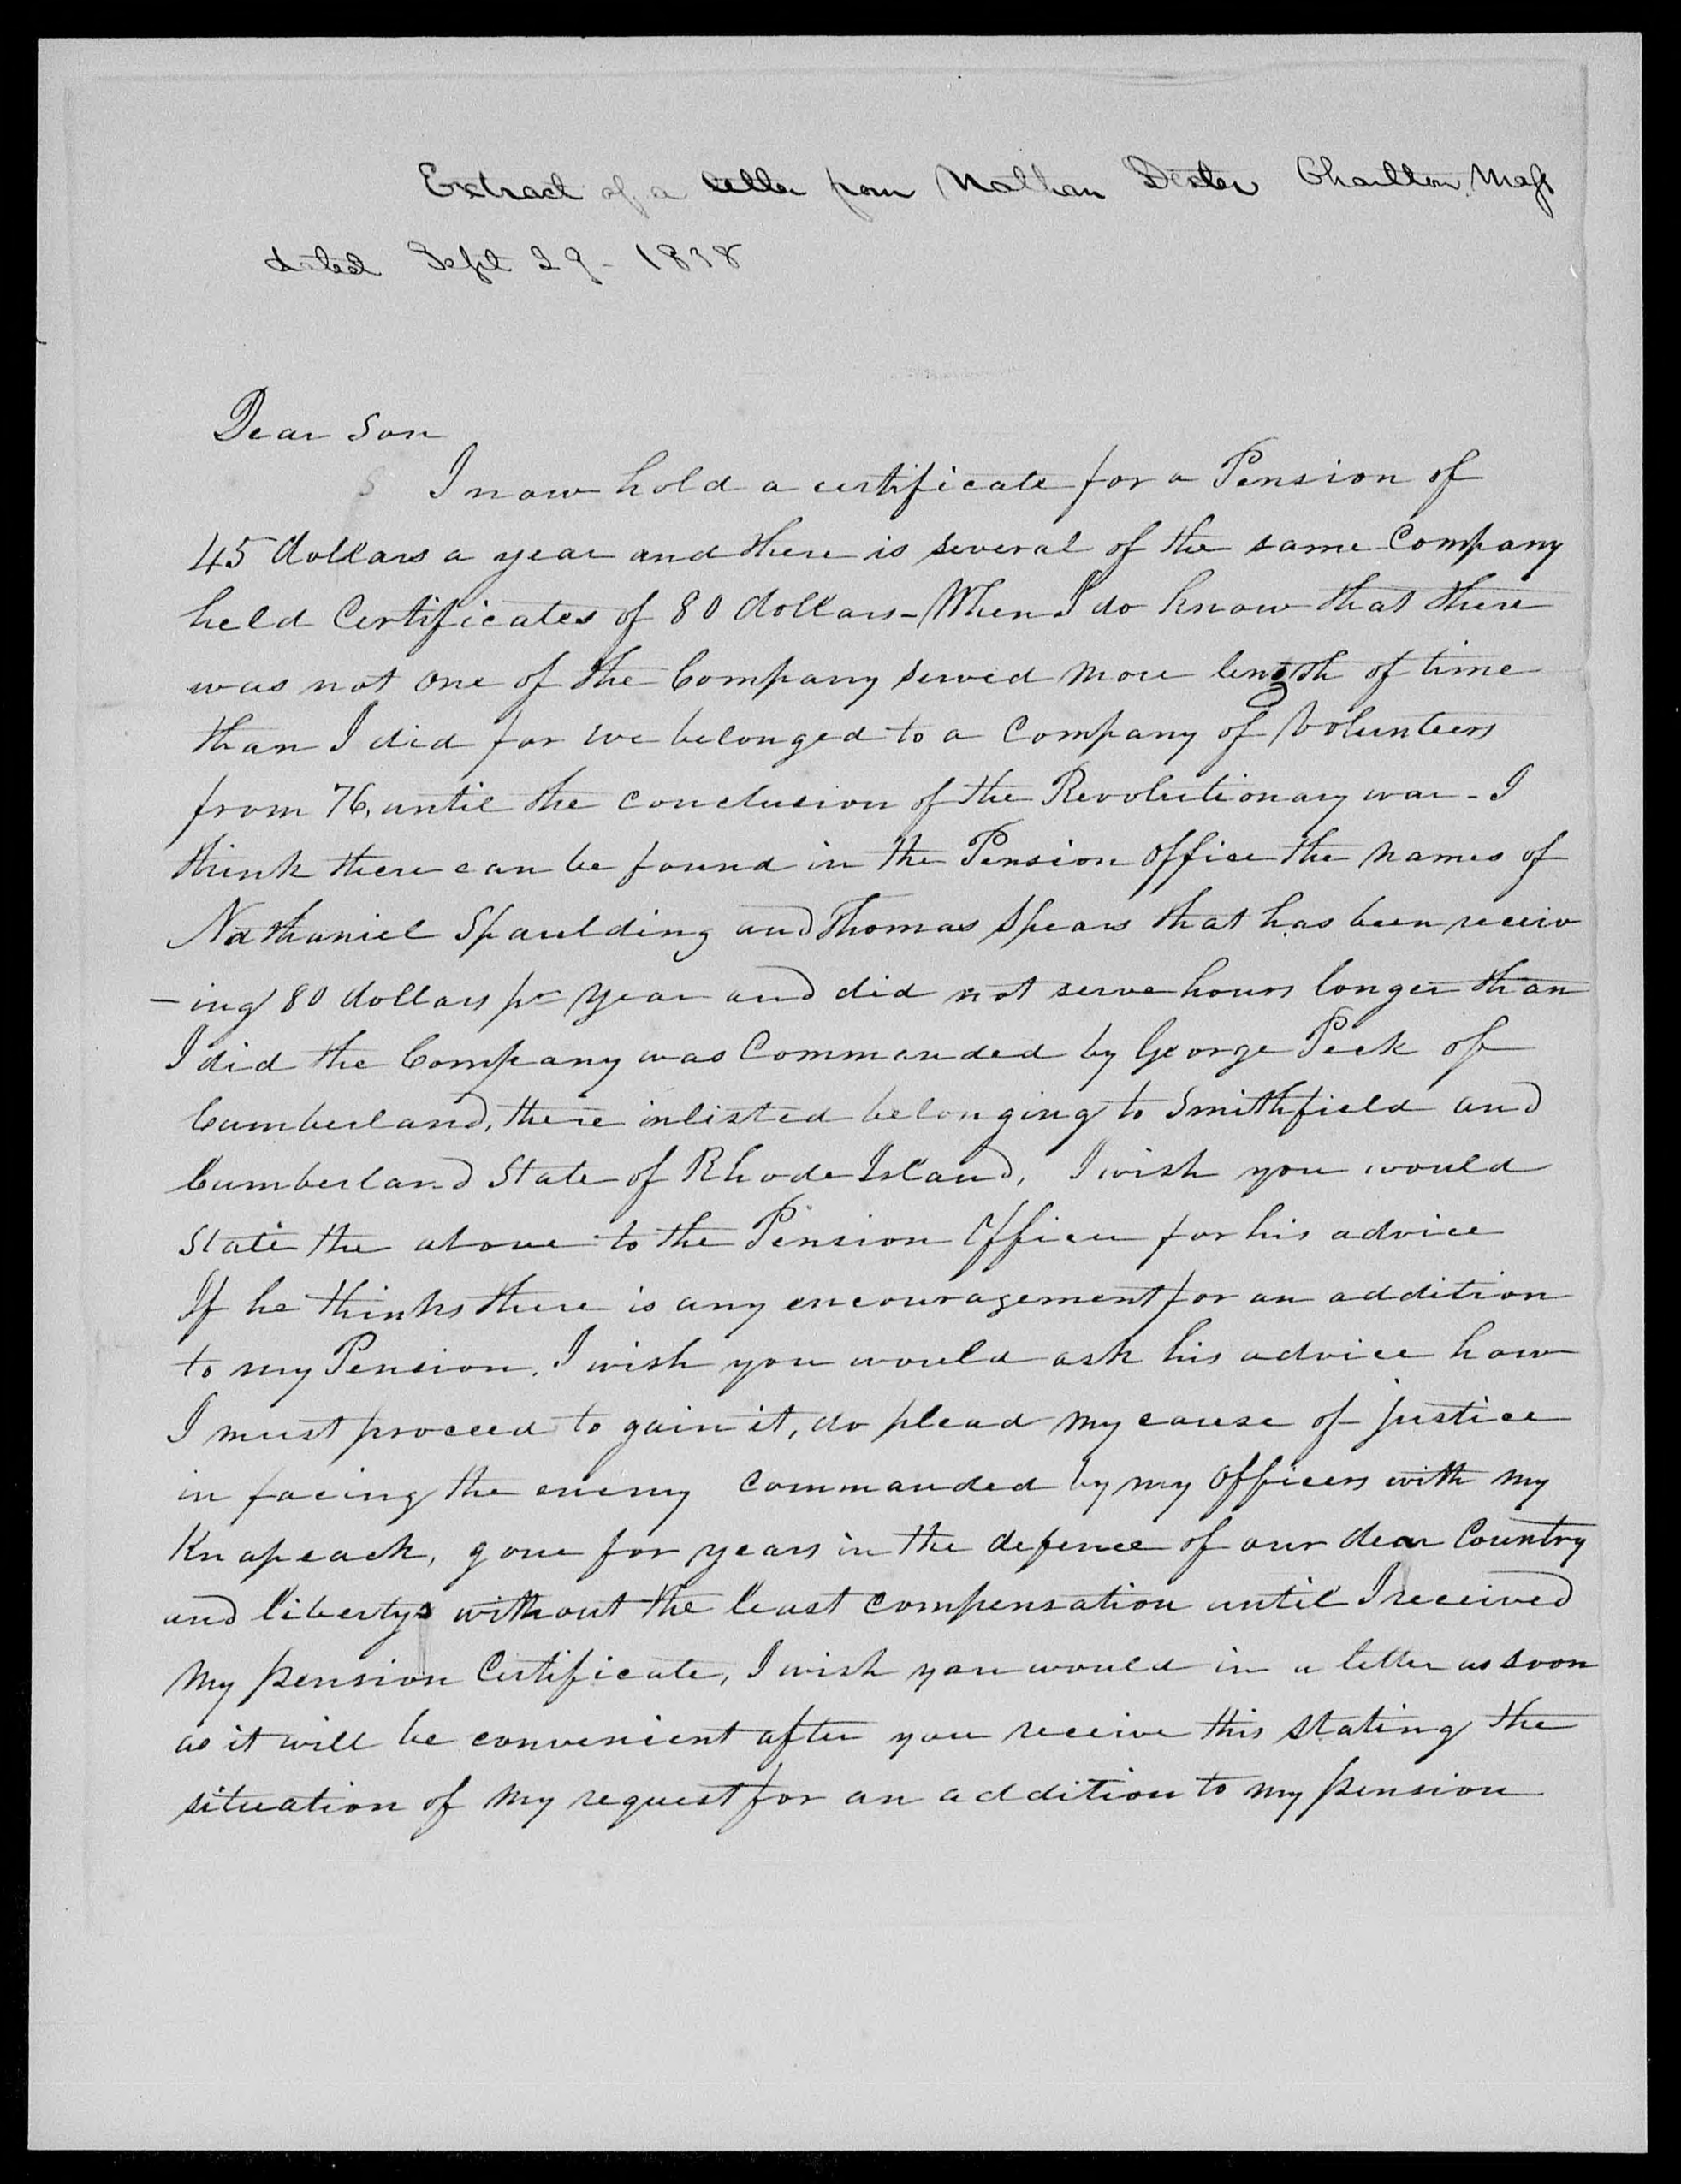Extract of a letter from Nathan Dexter Charlton, Mass dated Sept 29 - 1838
Dear Son
I now hold a certificate for a Pension of 45 dollars a year and there is several of the same Company held certificates of 80 dollars - When I do know that there was not one of the Company served more length of time than I did for we belonged to a Company of Volunteers from 76, until the conclusion of the Revolutionary war.  I think there can be found in the Pension office the names of Nathaniel Spaulding and Thomas Spears that has been receiving 80 dollars per year and did not serve hours longer than I did the Company was Commanded by George Peck of Cumberland, there inlisted belonging to Smithfield and Cumberland State of Rhode Island.  I wish you would state the above to the Pension Office for his advice If he thinks there is any encouragement for an addition to my Pension, I wish you would ask his advice how I must proceed to gain it, do plead my cause of justice in facing the enemy commanded by my officers with my knapsack, gone for years in the defence of our dear Country and libertys without the least compensation until I received my pension Certificate, I wish you would in a letter as soon as it will be convenient after you receive this stating the situation of my request for an addition to my pension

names: Nathan Dexter, Thomas Spears, Peck, Nathaniel Spaulding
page: 35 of 35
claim: survivor's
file: S. 18374, Nathan Dexter, R.I.